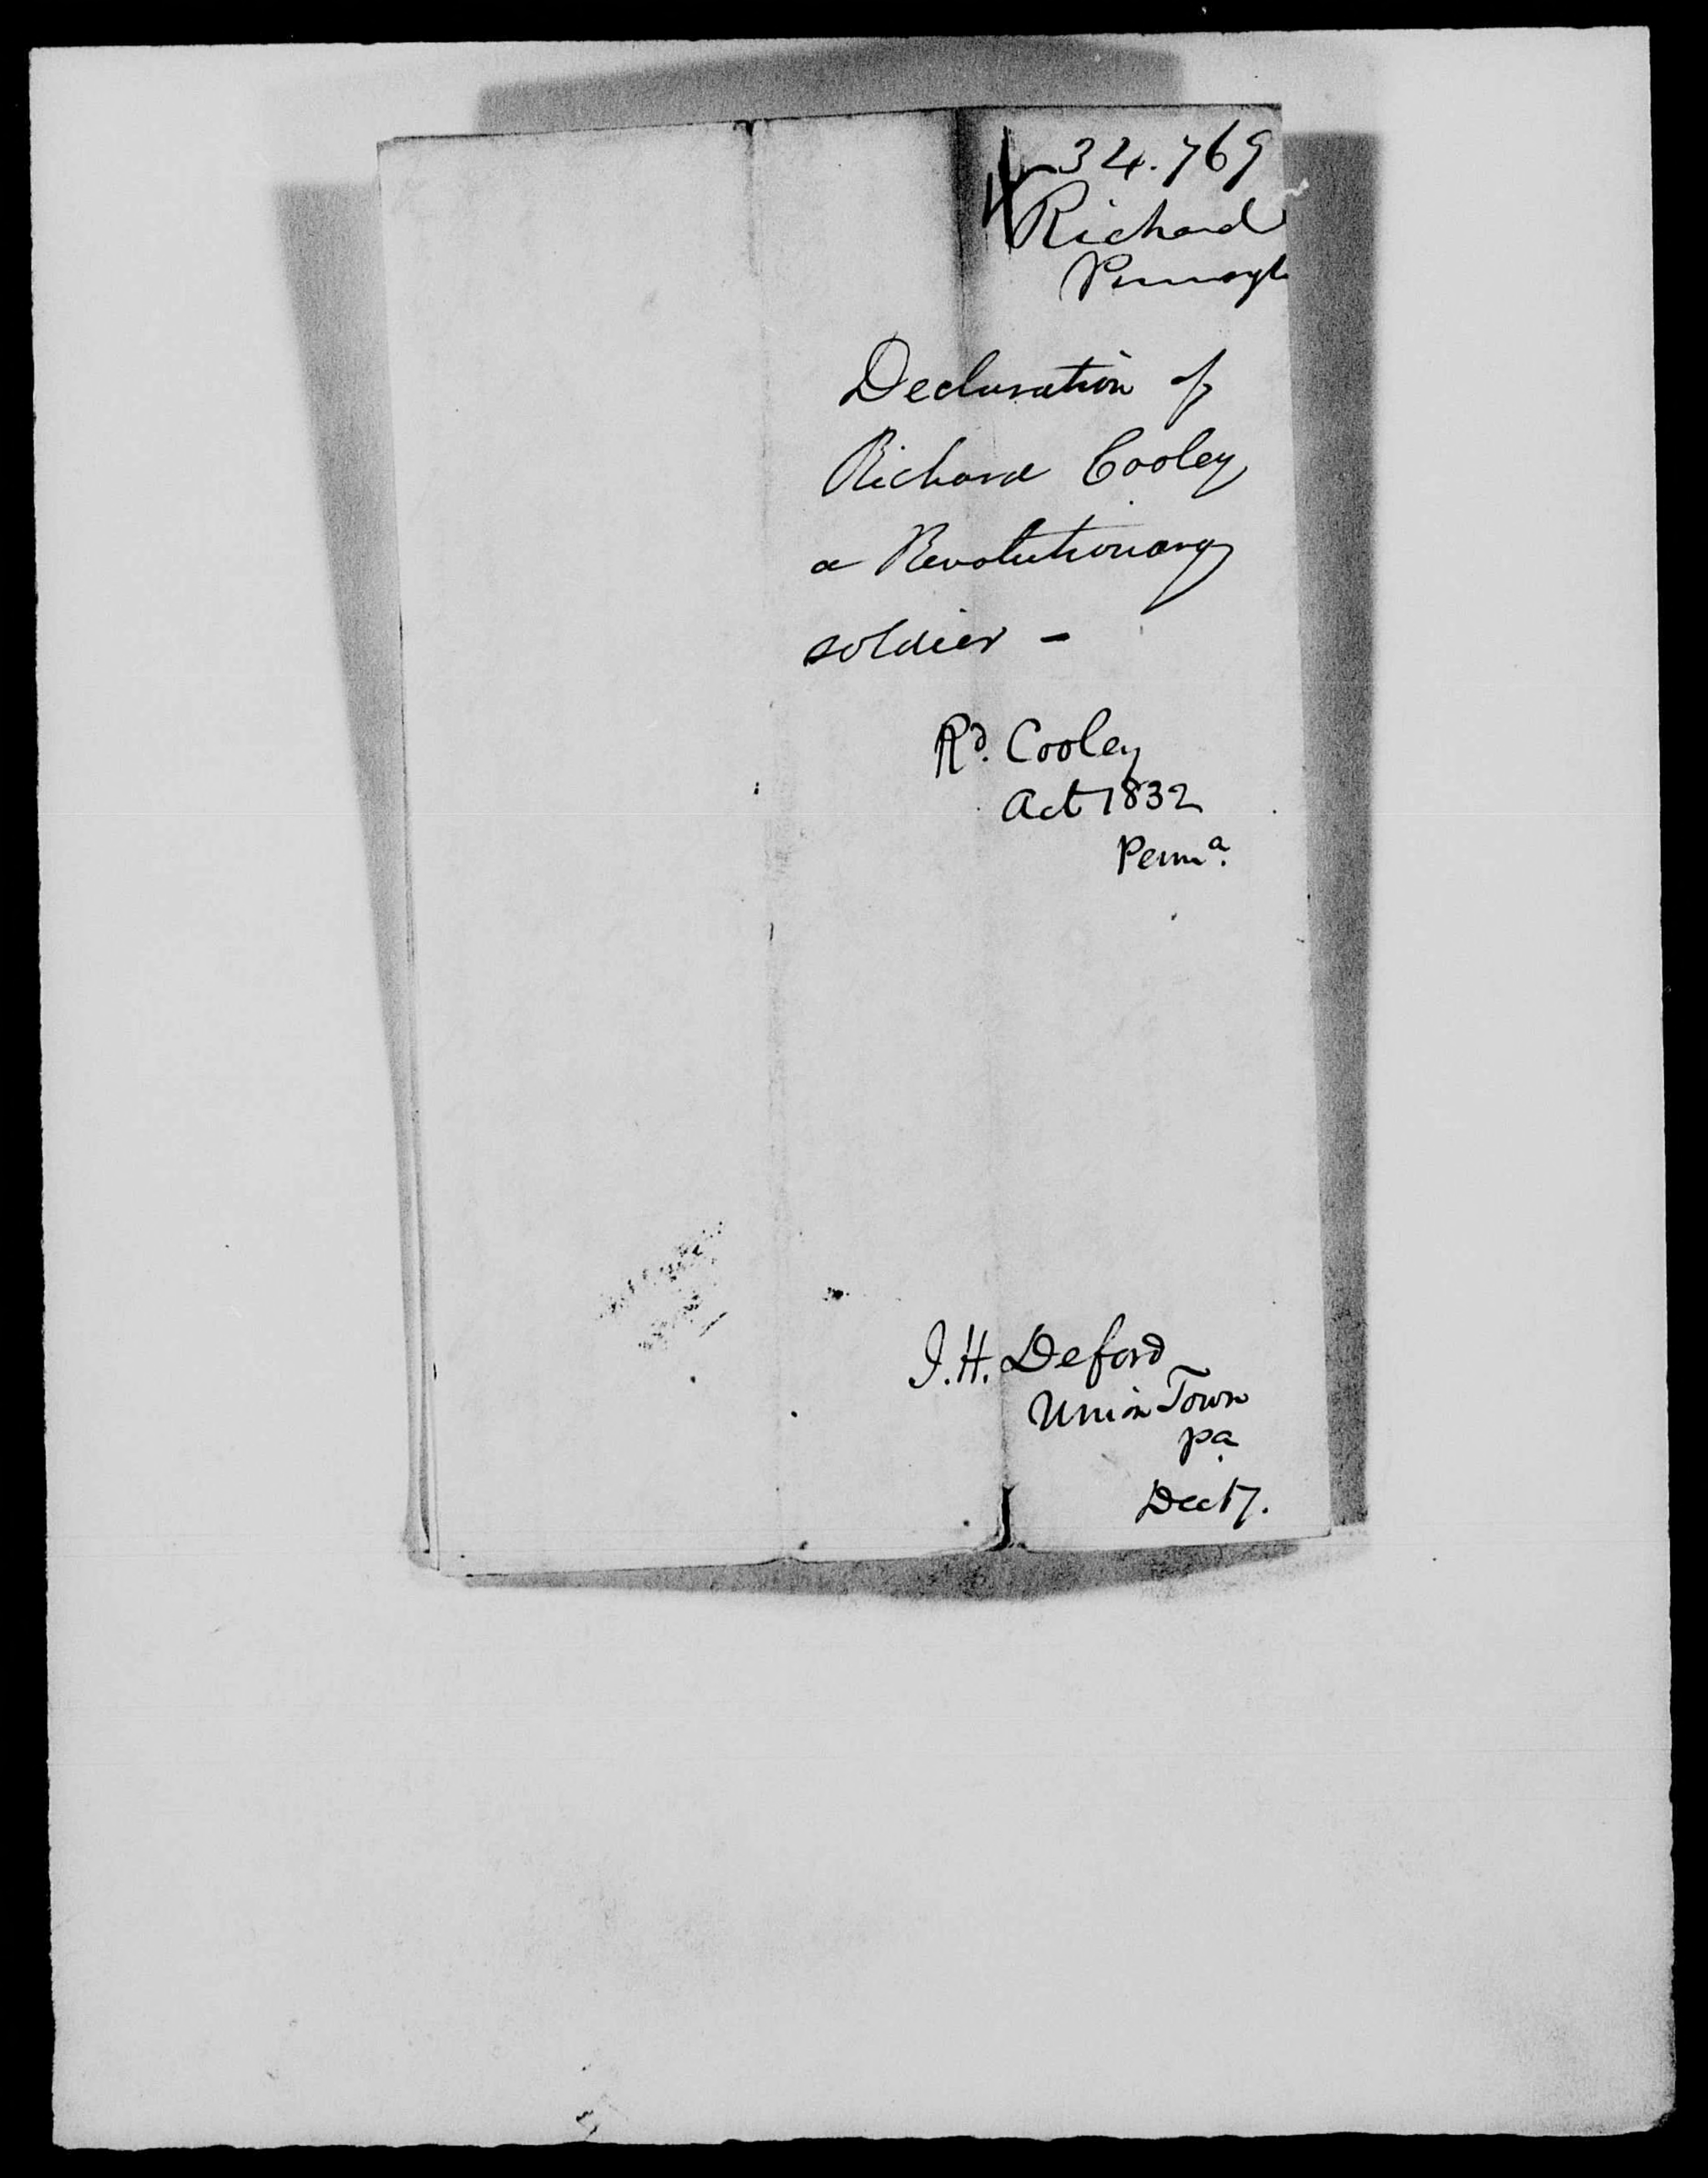[check mark crossed] X   34,769
Richard
Pennsyl

Declaration of Richard Cooley a Revolutionary soldier --
Rd. Cooley
Act 1832 
Penna.

J. H. Deford   Union Town pa  Dec 17.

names: Rd Cooley, Richard Cooley, Richard, J H Deford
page: 2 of 19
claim: rejected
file: R. 2,283, Richard Cooley, Md.